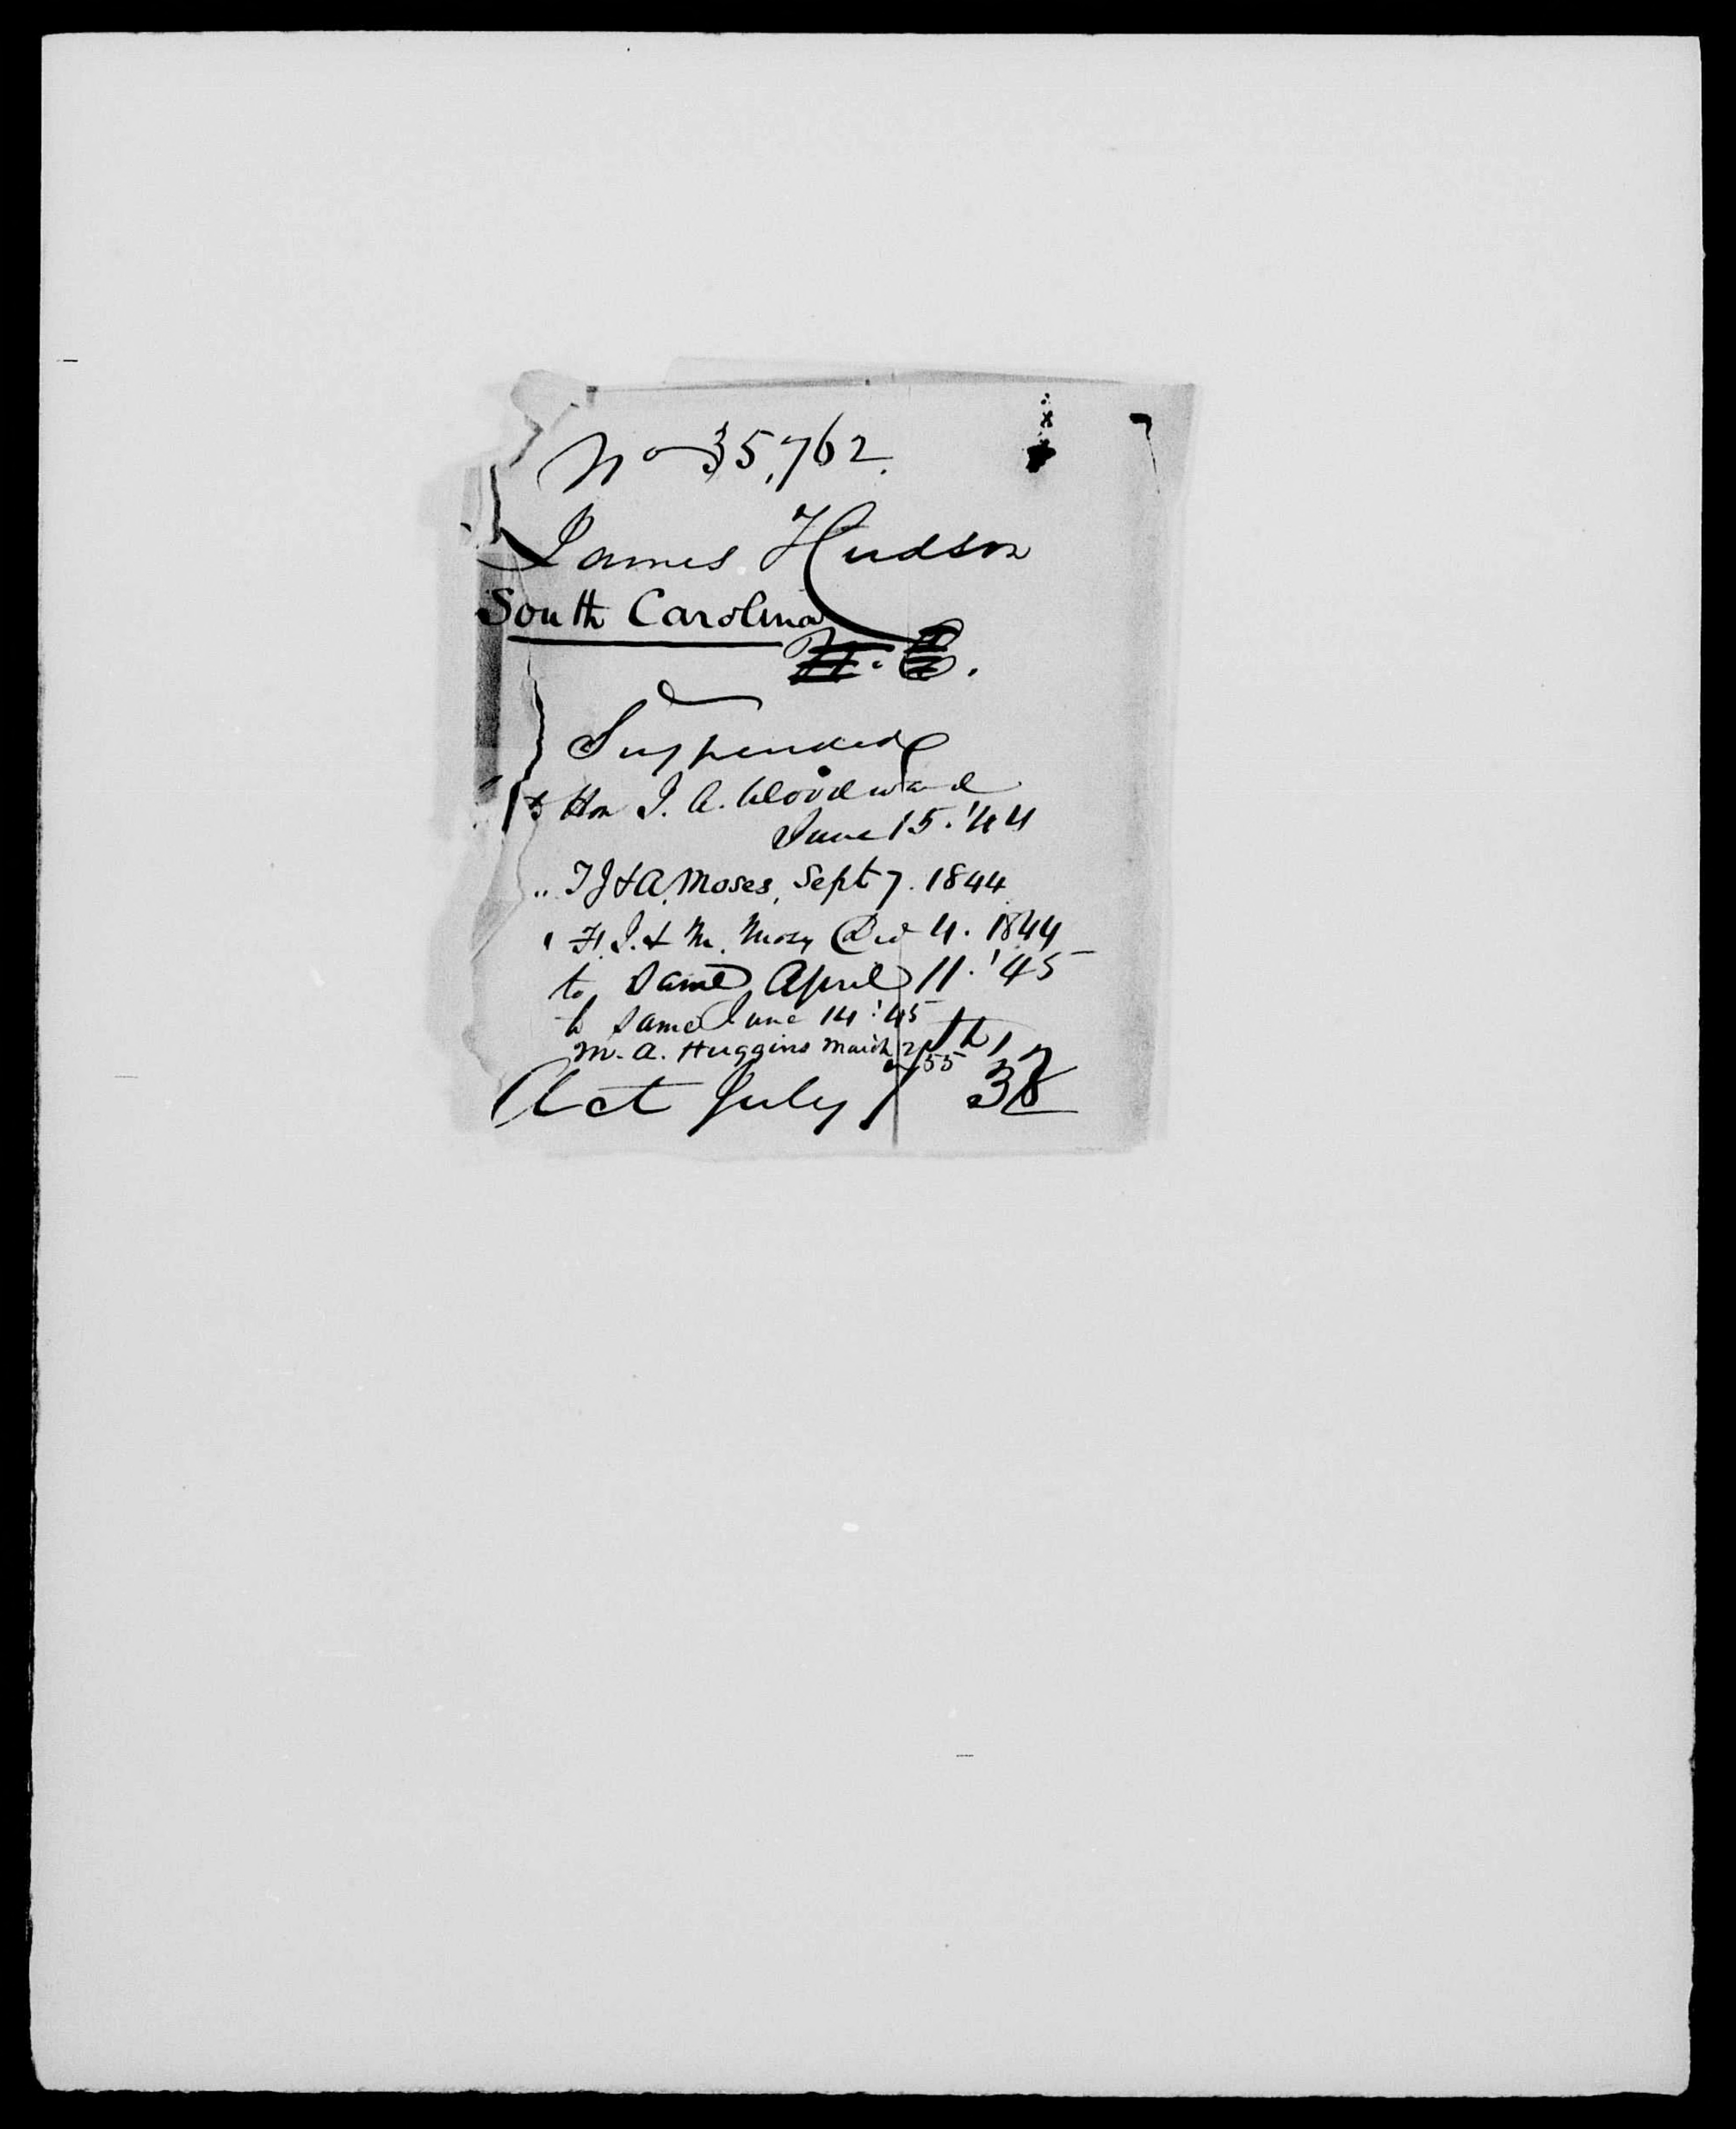No 35,702
James Hudson
South Carolina
[crossed out] N.C. [end crossed out]
Superded
A Hm I. A. Above ward
June 15, '44
TJFA Moses, Sept 7. 1844
[illegible] the Mary Oct 4. 1444
to Dame April 11. '45
to Dame June 14. '45
M. A. Huggins main 2/55
Act July 7th,  38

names: M A Huggins, James Hudson, F J M Moses, T J A Moses, J A Woodward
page: 25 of 33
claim: rejected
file: R. 5334, James Hudson, N.C.